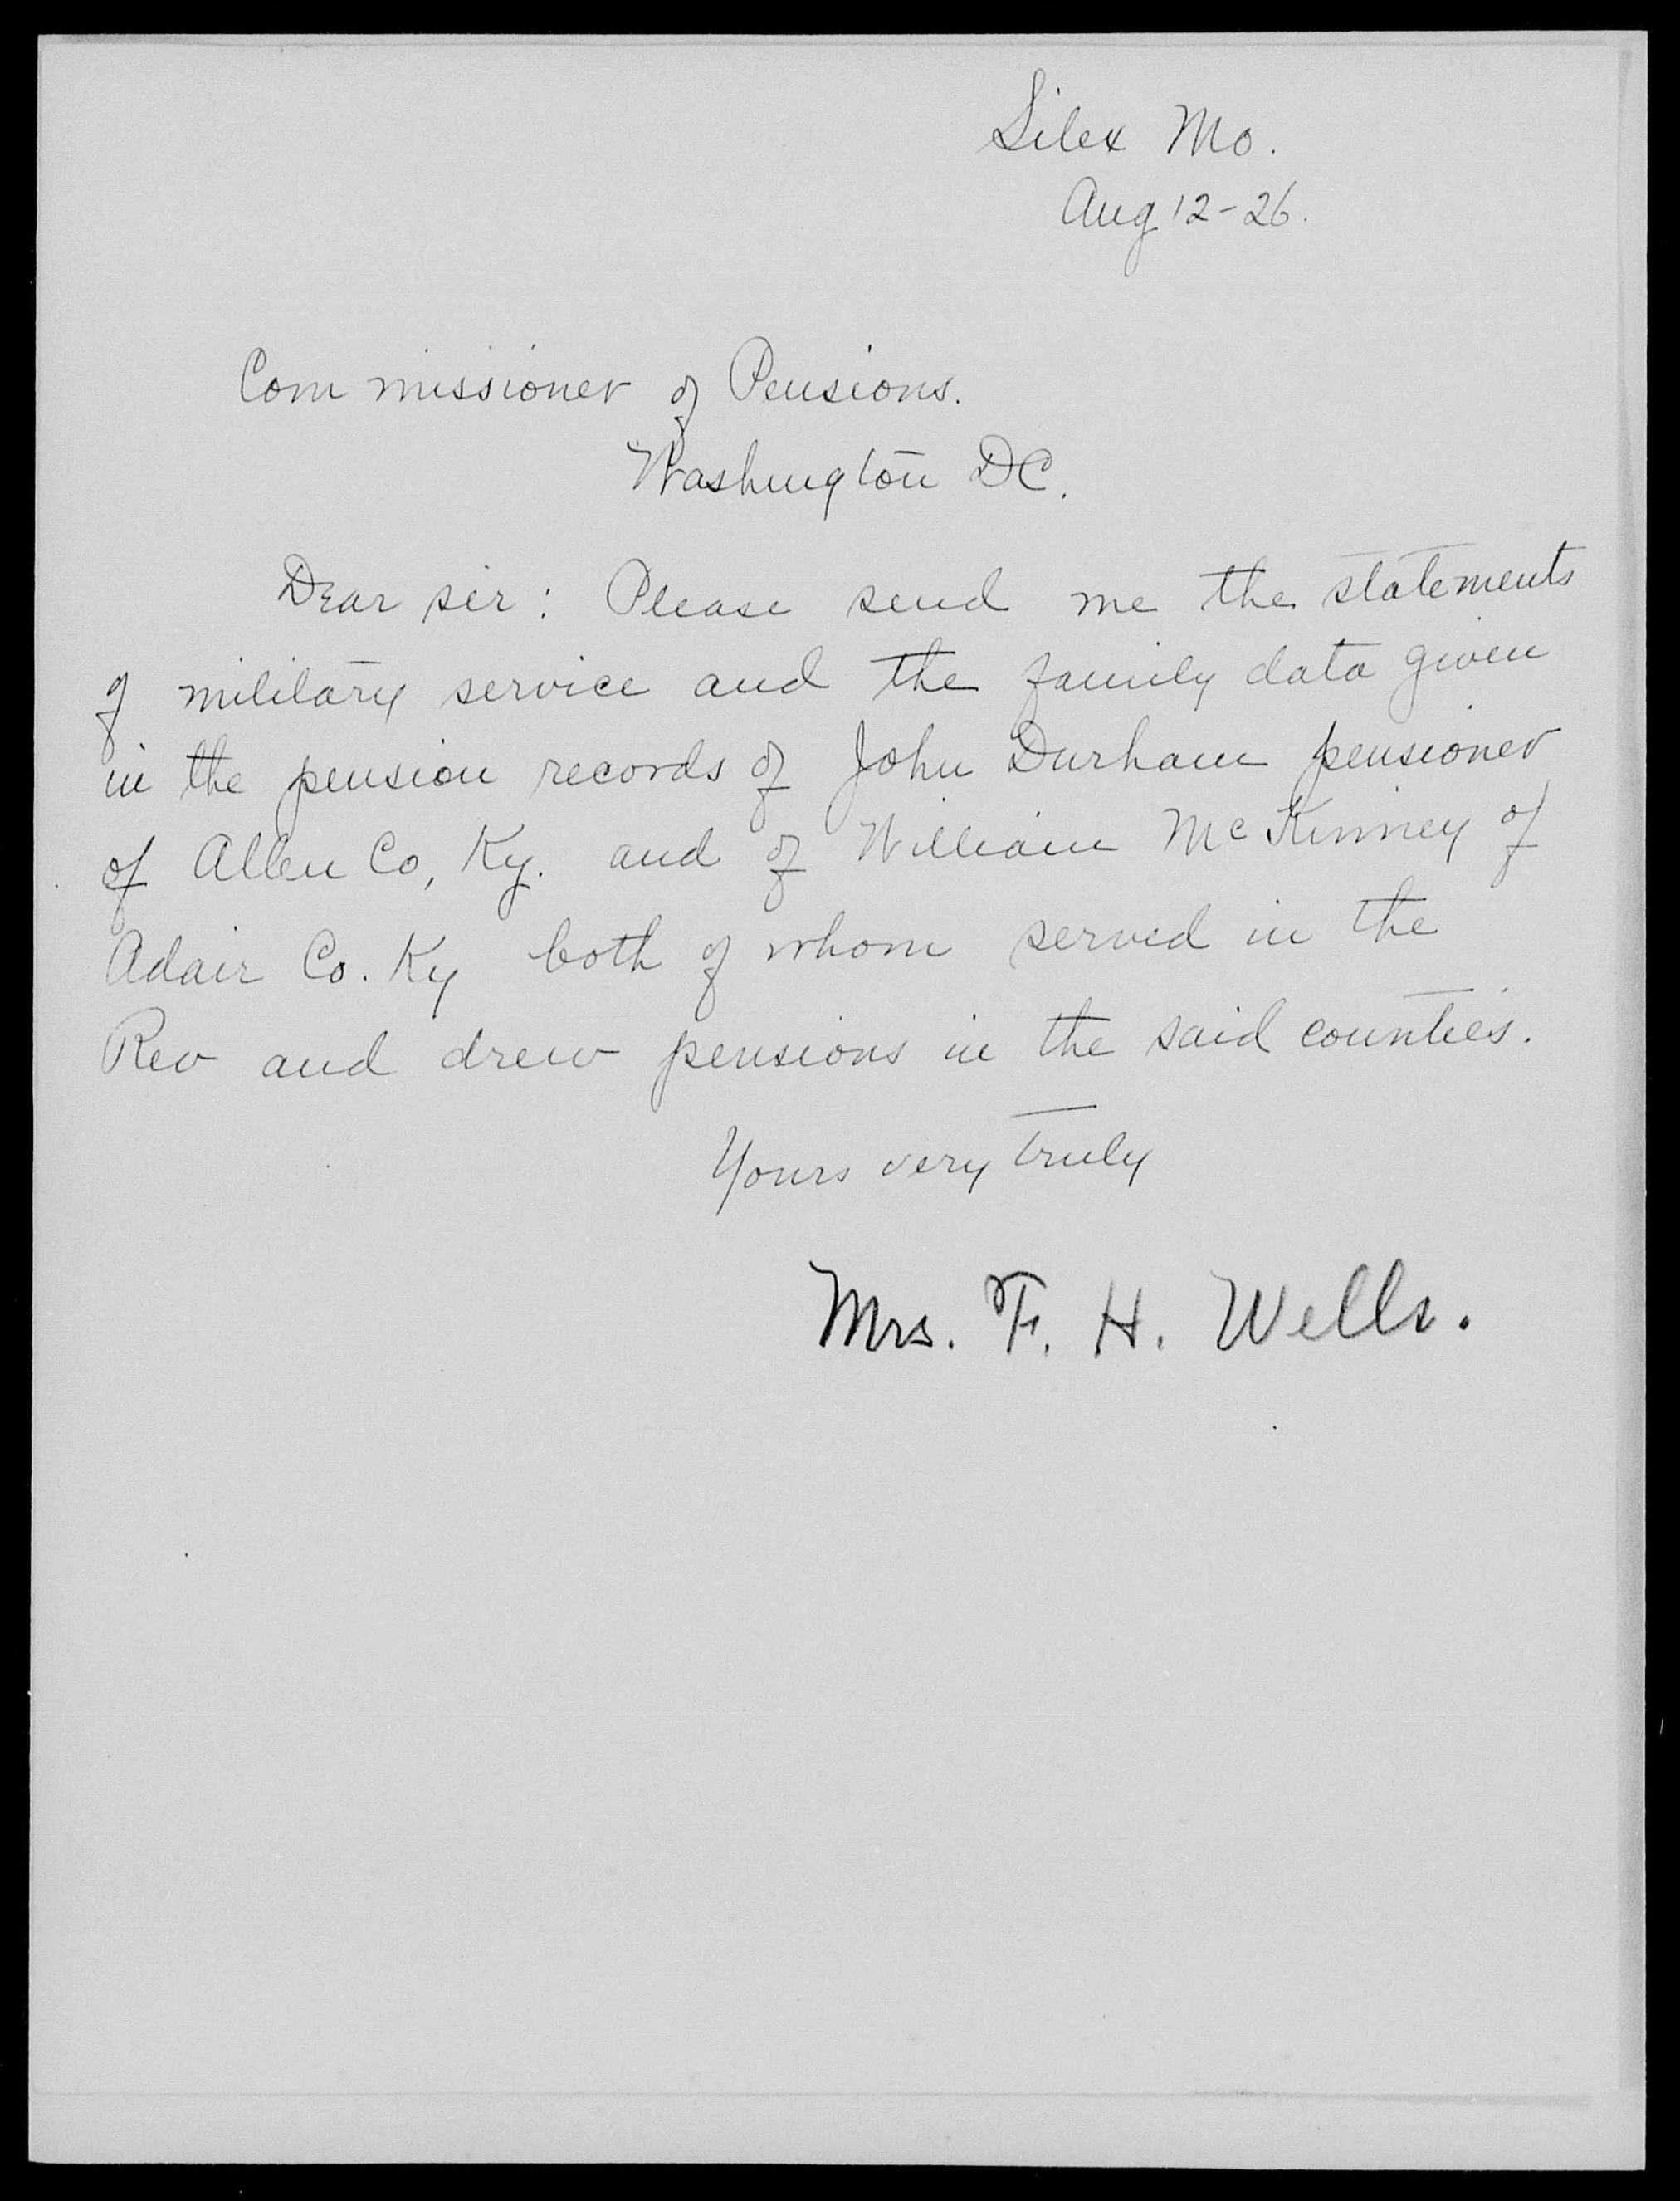Silex Mo.
Aug 12-26

Commissioner of Pensions.
Washington DC.

Dear sir: Please send me the statement of military service and the family data given in the pension records of John Durham pensioner of Allen Co, Ky. and of William McKinney of Adair Co. Ky both of whom served in the Rev and drew pensions in the said counties.
Yours very truly
[in pencil] Mrs. F.H. Wells.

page: 18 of 28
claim: survivor's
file: S. 16,470, for William Mc Kinney, Georgia